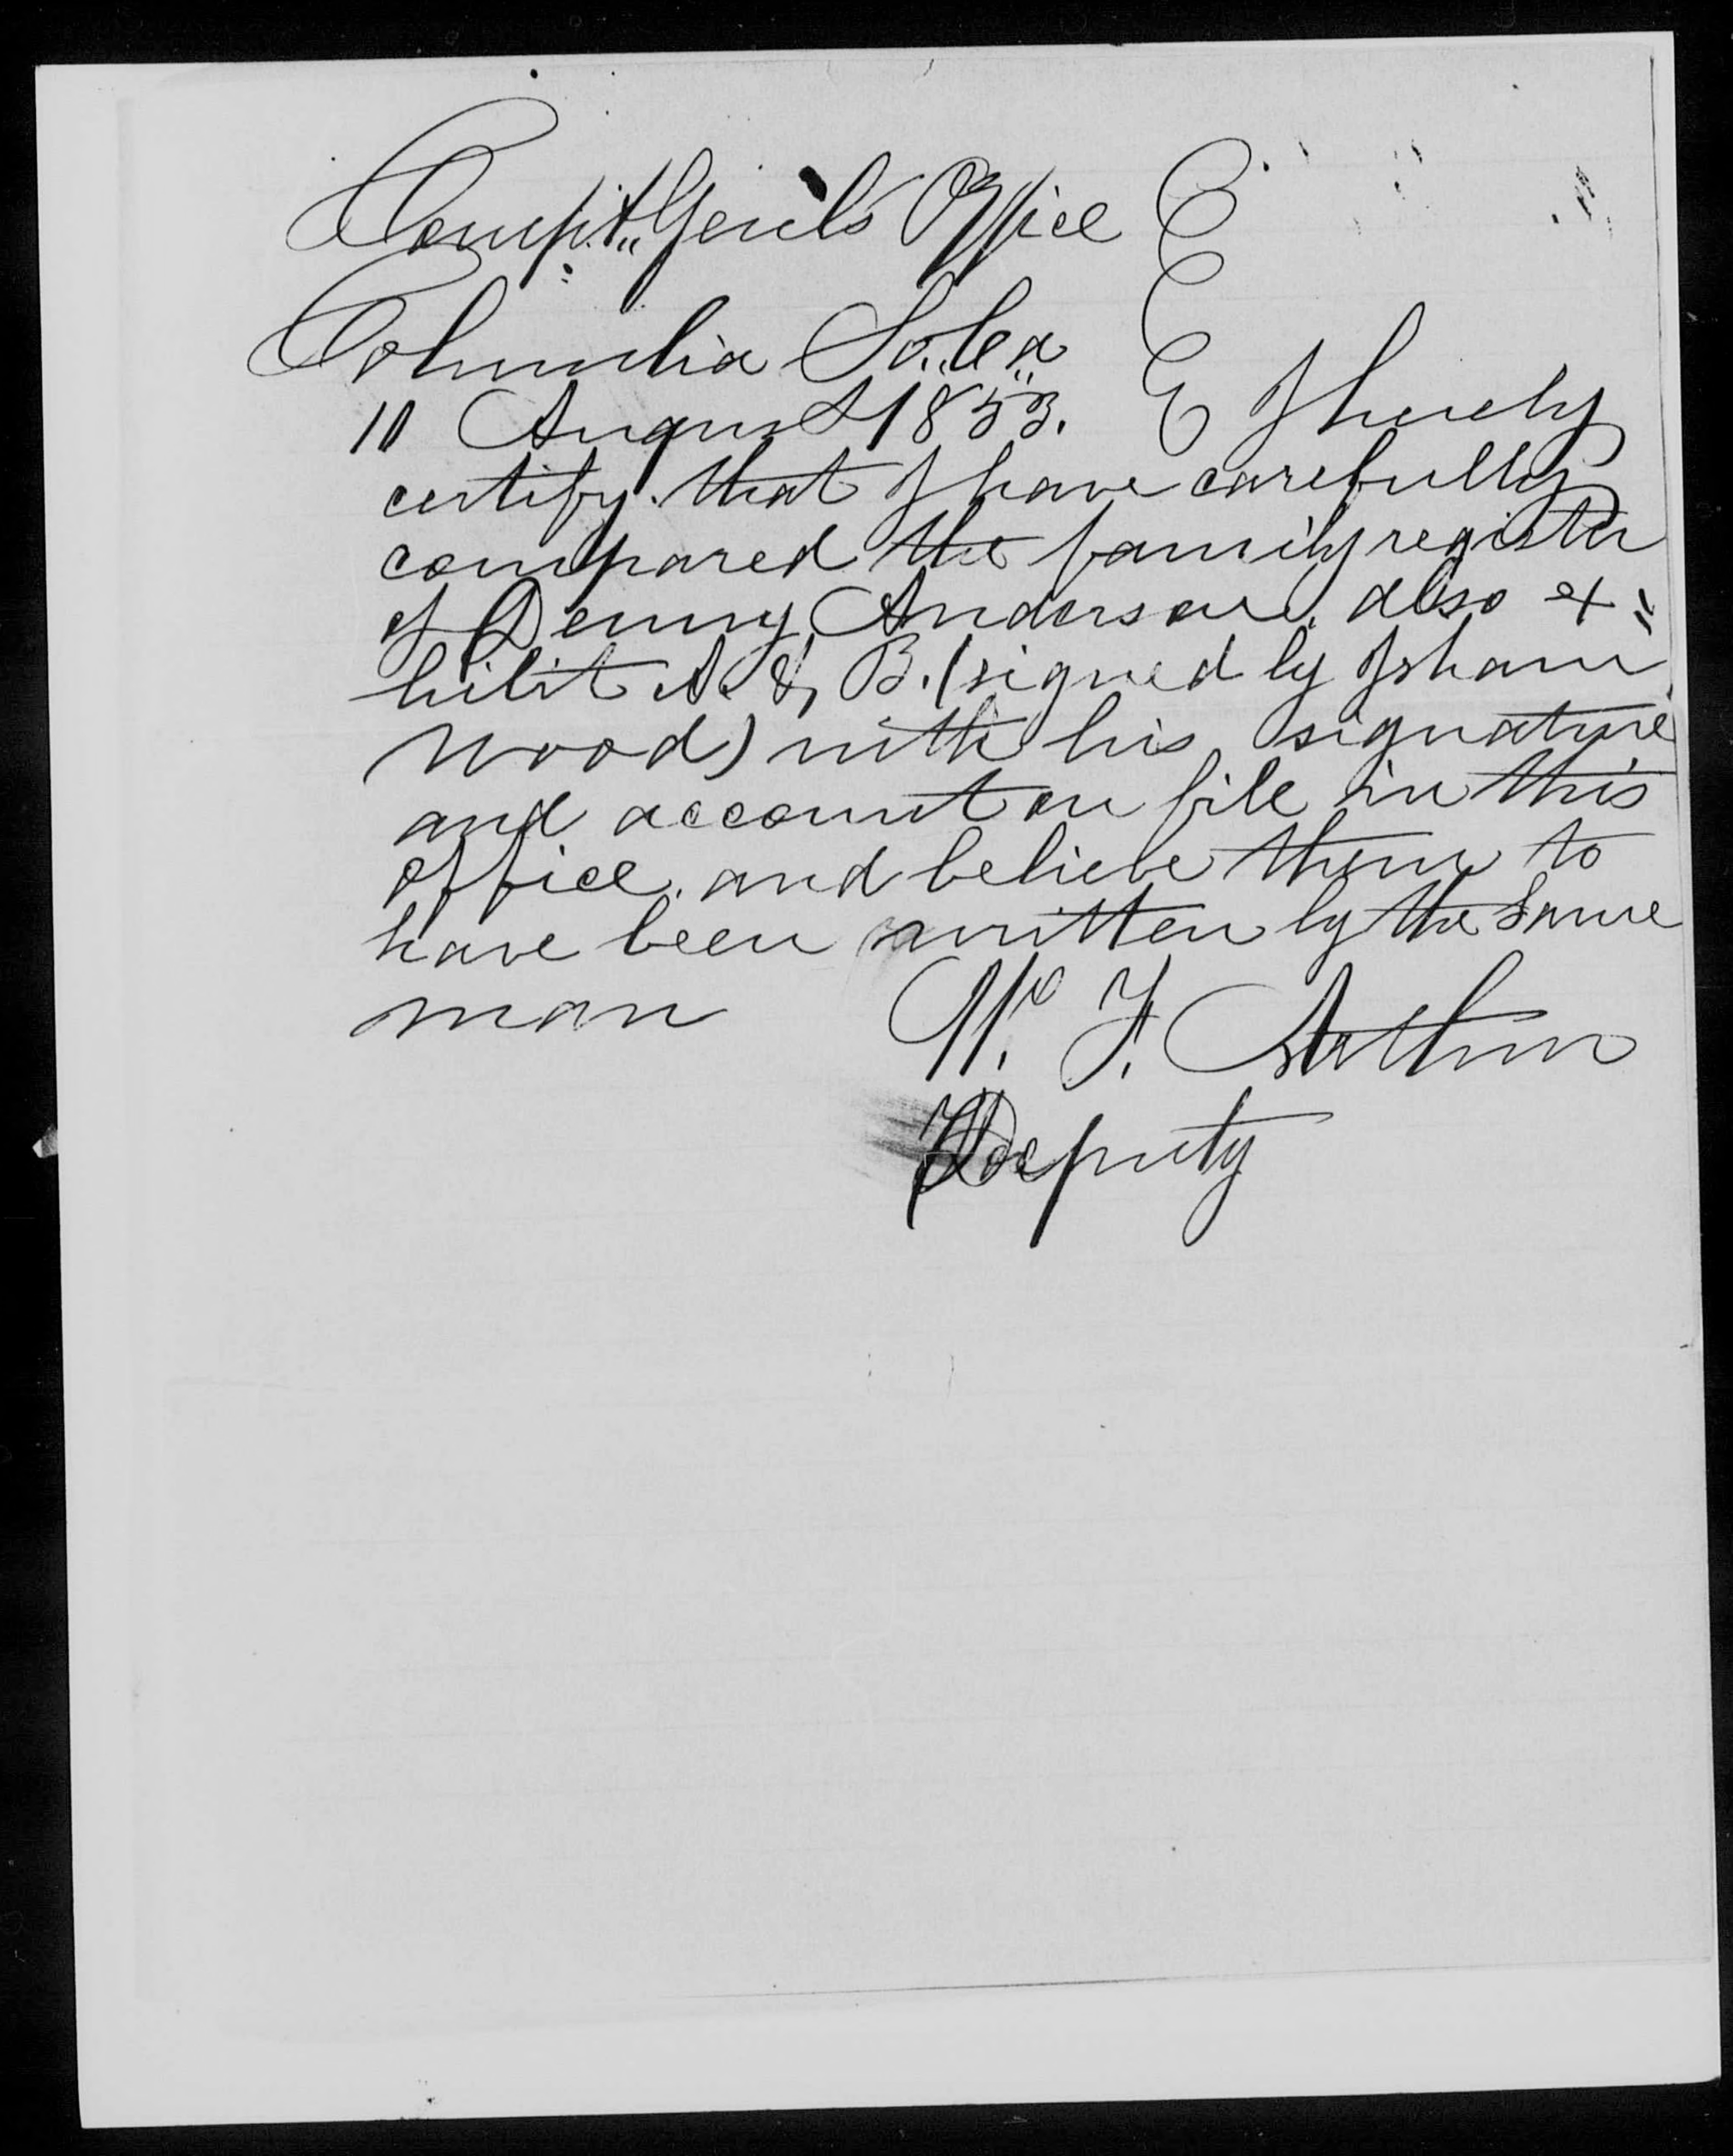Compt. Genl's Office
Columbia So. Ca.
10 August. 1853. 
I hereby certify that I have carefully compared the family register of Denny Aderson also exhibit A. & B. (signed by Islam Wood) with his signature and account on file in this office, and believe them to have been written by the same man
W. F. Arthur
Deputy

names: W F Arthur, Isham Wood, Denny Anderson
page: 30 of 51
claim: widow's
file: W. 9700, Denney Anderson, S.C.